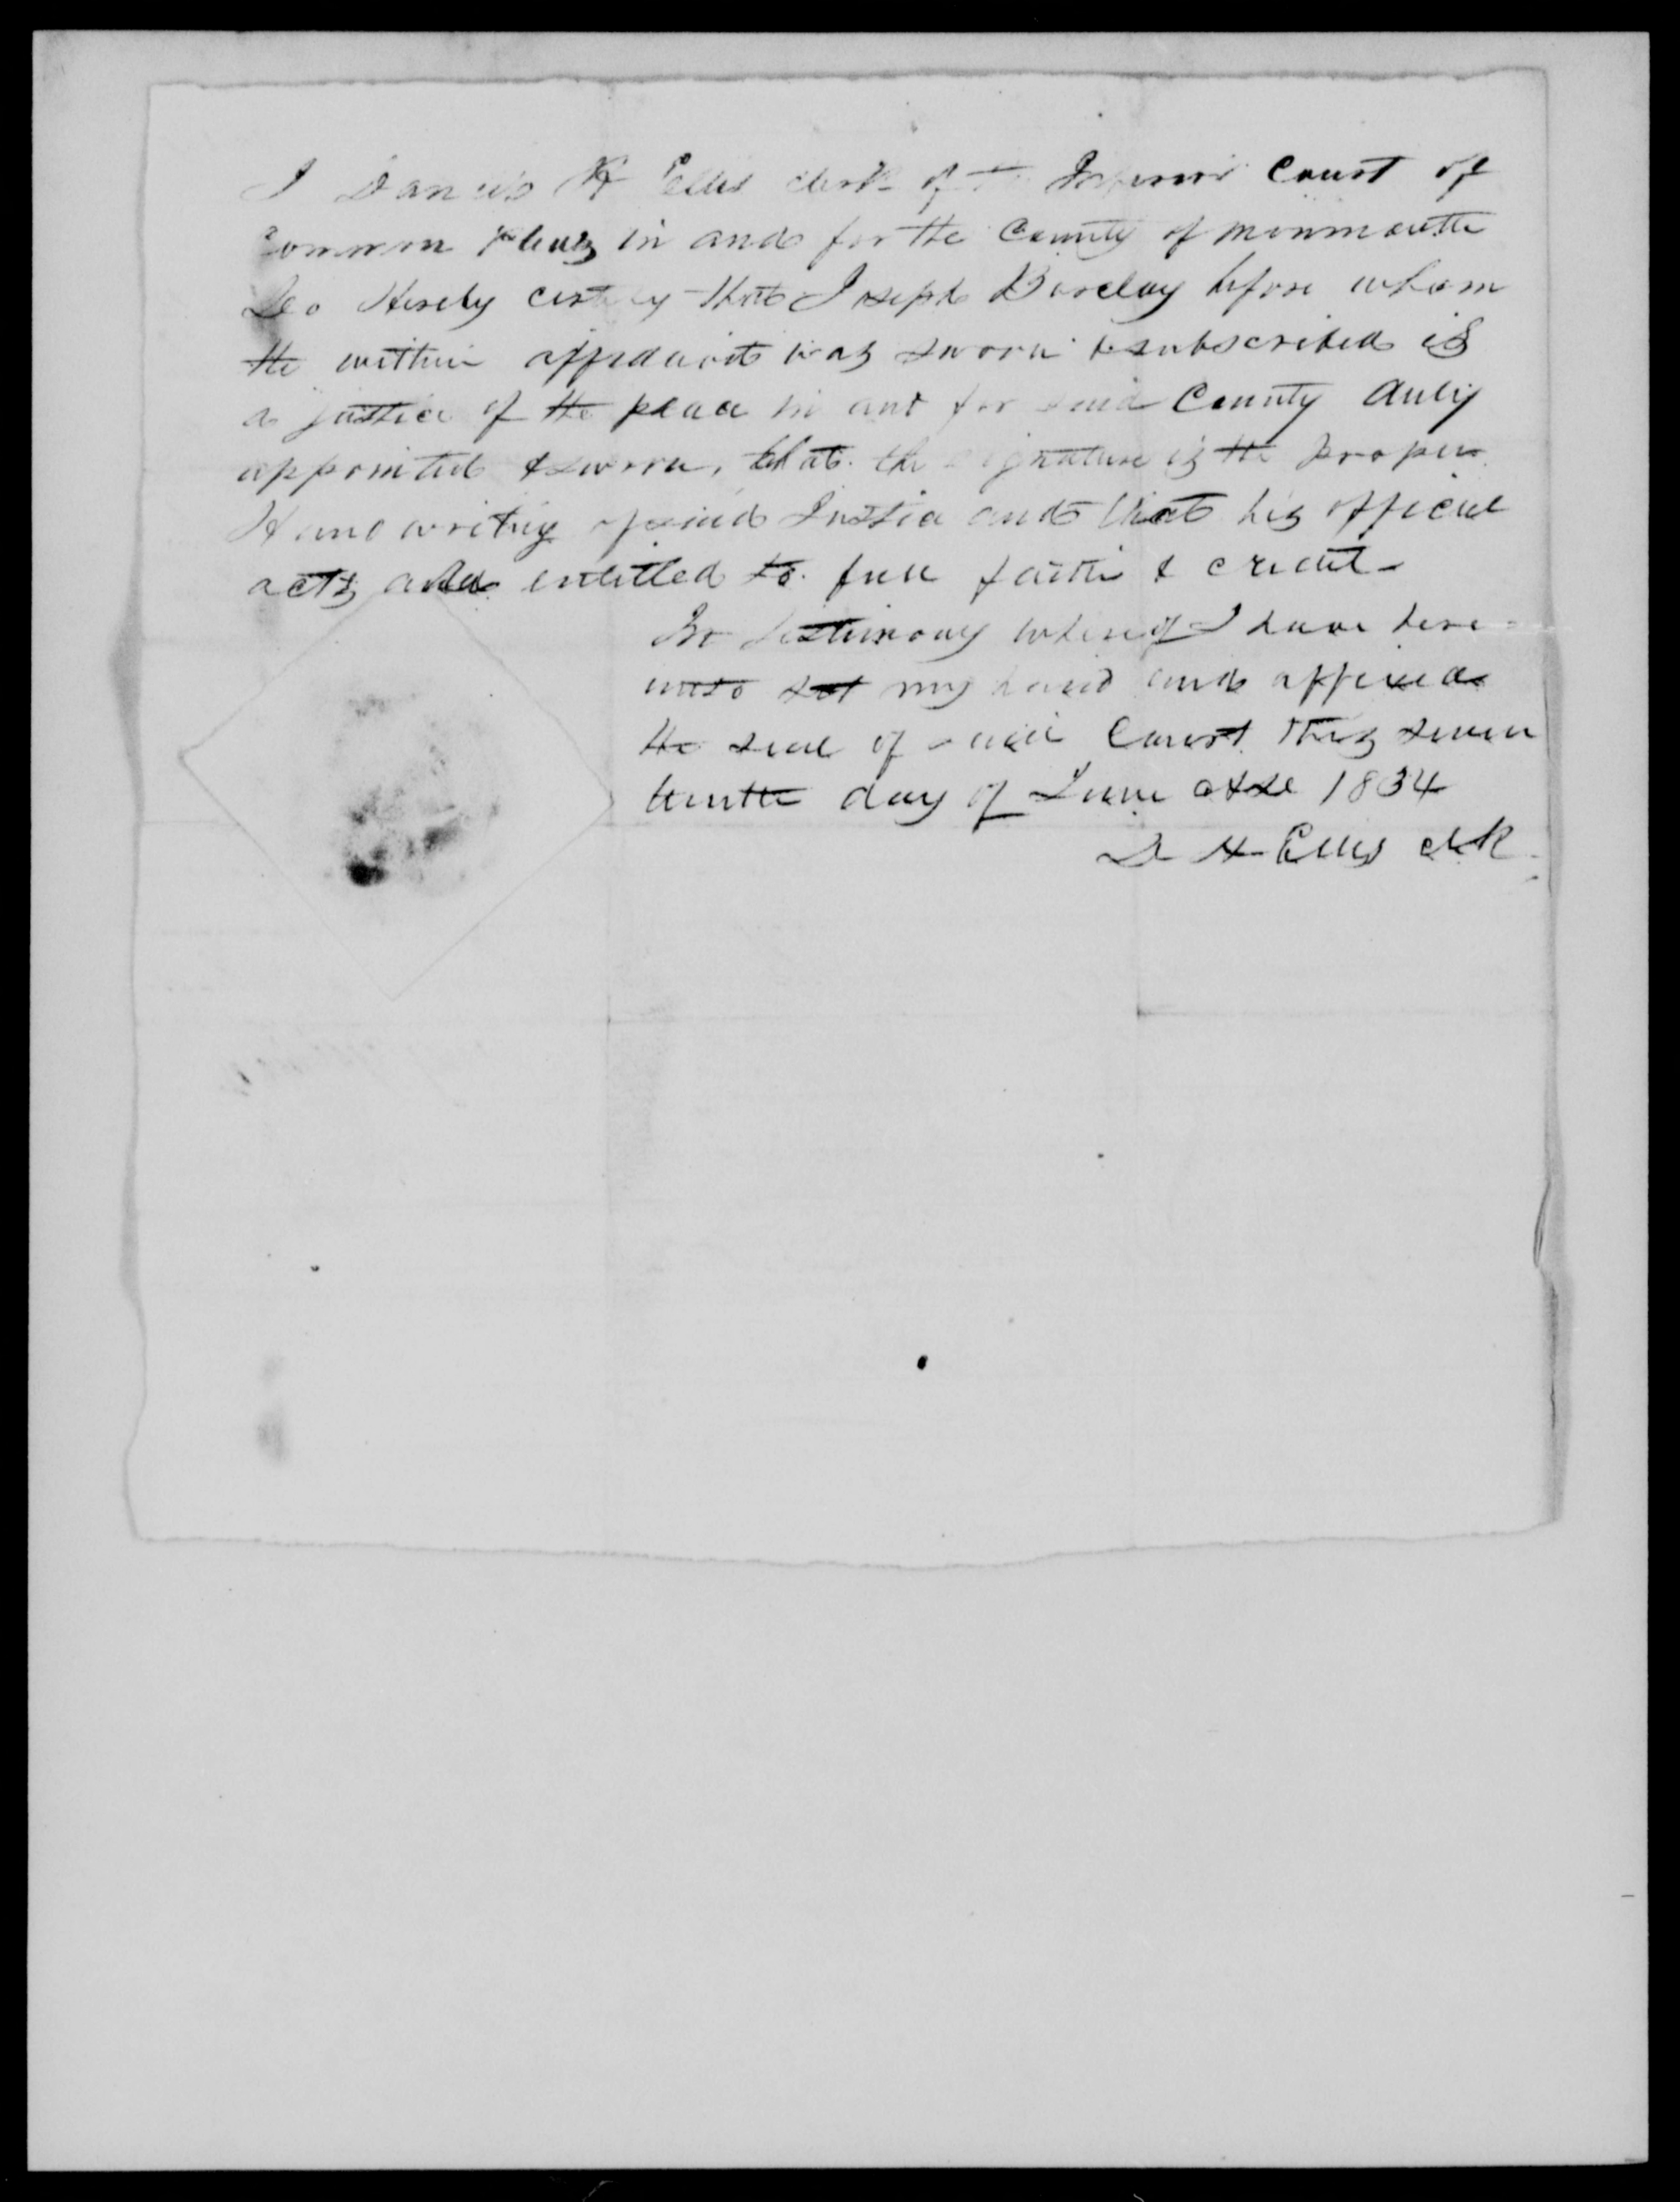I am D H Ellis Clerk of the Inferior Court of Common Pleas in and for the County of Monmouth do hereby certify that Joseph Barclay before whom the written affidavit was sworn & subscribed is a Justice of the Peace in and for said County duty appointed & sworn, that the signature is the proper handwriting of said Justice and that his official acts are entitled to full faith & credit. In testimony where of I have hereunto set my hand and office as the seal of said Court this tenth day of June A&D 1834, DH Ellis, Clerk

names: D H Ellis, Daniel H Ellis, Joseph Barclay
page: 28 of 66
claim: widow's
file: W. 19588, William Walling, New Jersey